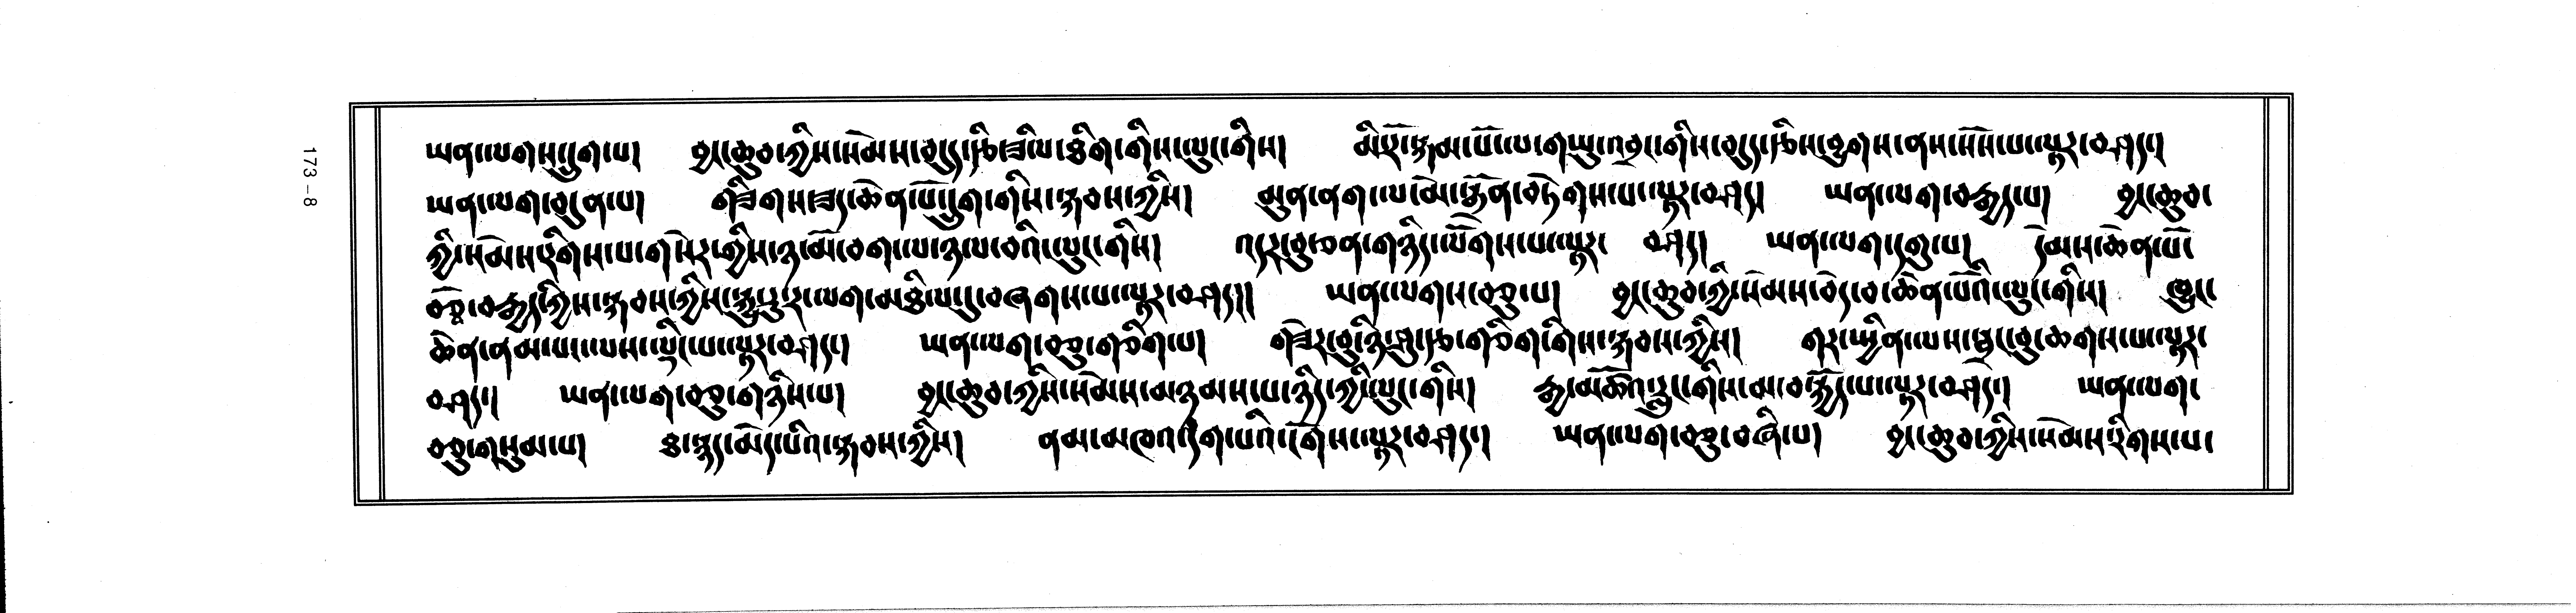ཡན་ལག་དྲུག་པ། བྱང་ཆུབ་ཀྱི་སེམས་བདུད་རྩི་ཟིལ་ཐིགས་ཀྱི་ལུང་གིས། མི་རོ་སྐམ་པོ་ལ་གཡུ་འབྲང་གི་བདུད་རྩིས་བྱུག་ནས་སོས་པ་ལྟར་བཤད། 
ཡན་ལག་བདུན་པ་གཟིགས་ཟད་ཆེན་པོ་དྲུག་གིས་སྐབས་ཀྱིས། མུན་ནག་ལ་སྒྲོན་མེ་བཏེགས་པ་ལྟར་བཤད། ཡན་ལག་བརྒྱད་པ། བྱང་ཆུབ་
ཀྱི་སེམས་རིག་པ་གསེར་གྱི་ཉ་མོ་བག་ལ་ཉལ་བའི་ལུང་གིས། འདར་བུ་ཅན་གཉིད་ལོག་པ་ལྟར་བཤད། ཡན་ལག་དགུ་པ། དེམས་ཆེན་པོ་
བཅོ་བརྒྱད་ཀྱི་སྐབས་ཀྱིས་ཀྱུ་རུ་ར་ལག་མཐིལ་དུ་བཞག་པ་ལྟར་བཤད། ཡན་ལག་བཅུ་པ། བྱང་ཆུབ་ཀྱི་སེམས་བདེ་བ་ཆེན་པོའི་ལུང་གིས་ཁྱུང་
ཆེན་ནམ་པང་ལས་ལྡིང་བ་ལྟར་བཤད། ཡན་ལག་བཅུ་གཅིག་པ། གཟེར་བུ་ཉི་རྩ་གཅིག་གི་སྐབས་ཀྱིས། གར་སྤྱིན་ལ་སྦྲང་བུ་ཆགས་པ་ལྟར་
བཤད། ཡན་ལག་བཅུ་གཉིས་པ། བྱང་ཆུབ་ཀྱི་སེམས་མཉམ་པ་ཉིད་ཀྱི་ལུང་གིས། རྒྱ་མཚོ་རླུང་གིས་མ་བསྐྱོད་པ་ལྟར་བཤད། ཡན་ལག་
བཅུ་གསུམ་པ། ཐ་སྙད་མེད་པའི་སྐབས་ཀྱིས། ནམ་མཁའ་དག་པའི་ངོགས་ལྟར་བཤད། ཡན་ལག་བཅུ་བཞི་པ། བྱང་ཆུབ་ཀྱི་སེམས་རིགས་པ་